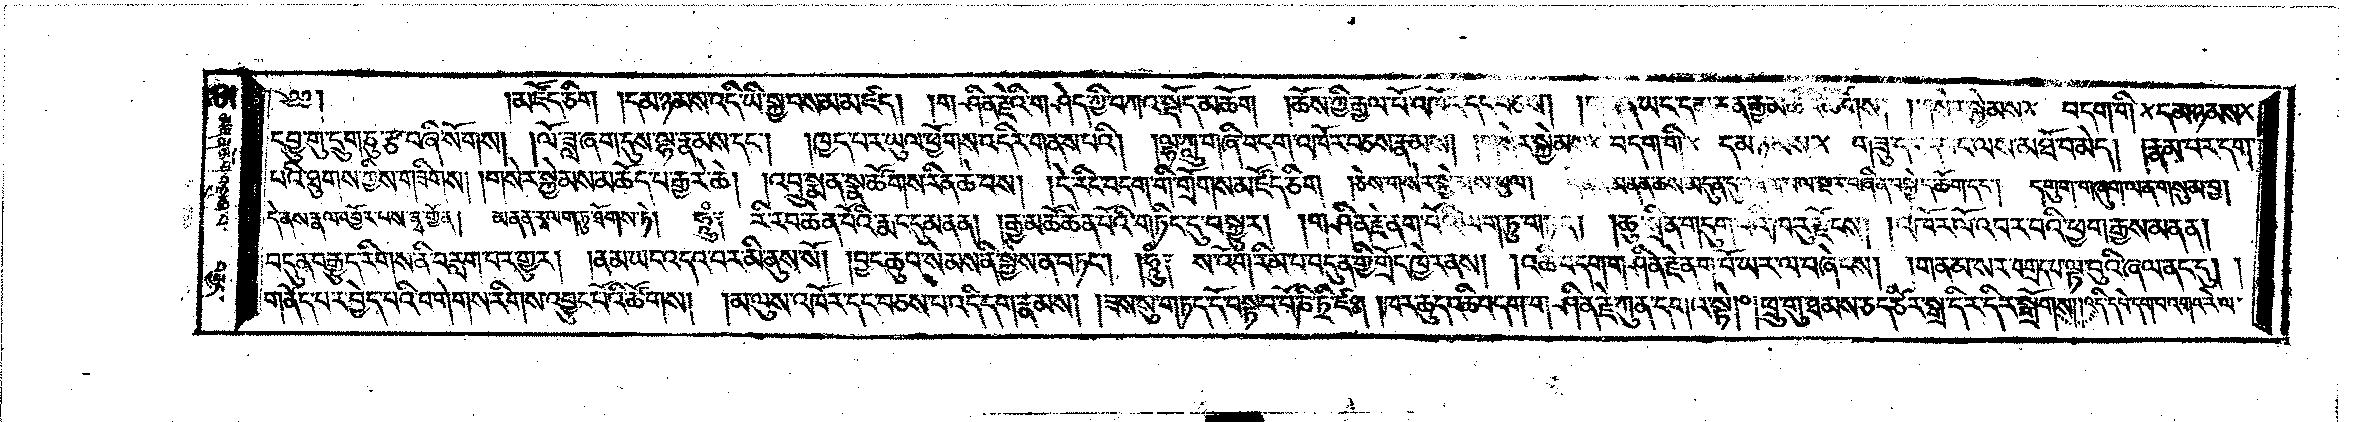༄༅། །མཛོད་ཅིག །དམ་ཉམས་འདི་ཡི་སྐྱ་བསམ་མཛད། །གཤིན་རྗེའི་གཤེད་ཀྱི་བཀའ་སྡོད་མཆོག །ཆོས་ཀྱི་རྒྱལ་པོ་འཁོར་དང་བཅས། །གནན་ཡང་དམར་ན་རྒྱ་མཚོའི་ཚོགས། །གསེར་སྐྱེམས་྾་བདག་གི་྾་དམ་ཉམས་྾་
དབྱུ་གུ་དྲུག་ཅུ་རྩ་བཞི་སོགས། །ལོ་ཟླ་ཞག་དུས་ལྷ་རྣམས་དང་། །ཁྱད་པར་ཡུལ་ཕྱོགས་འདིར་གནས་པའི། །ལྷ་ཀླུ་གཞི་བདག་འཁོར་བཅས་རྣམས། །གསེར་སྐྱེམས་྾་བདག་གི་྾་དམ་ཉམས་྾་གཟུ་དང་དཔང་ལས་མཐོ་བ་མེད། །རྣམ་པར་དག་
པའི་ཐུགས་ཀྱིས་གཟིགས། །གསེར་སྐྱེམས་མཆོད་པ་རྒྱ་རེ་ཆེ། །འབྲུ་སྨན་སྣ་ཚོགས་རིན་ཆེ་བས། །དེ་རིང་བདག་གི་གྲོགས་མཛོད་ཅིག །ཅེས་གསེར་སྐྱེམས་ཕུལ། །དེ་ནས་མནན་ཆས་མདུན་དུ་བཞག་པ་ལ་སྔར་བཞིན་བསྐྱེད་ཆོག་དང་། དཔུག་གཞུག་ལན་གསུམ་བྱ།
དེ་ནས་རྣལ་འབྱོར་པས་ཟྭ་གྱོན། མནན་རྭ་ལག་ཏུ་ཐོགས་ཏེ། ཧཱུཾ༑ རི་རབ་ཆེན་པོའི་རྨད་དུ་མནན། །རྒྱ་མཚོ་ཆེན་པོའི་གཏིང་དུ་བསྐྱུར། །གཤིན་རྗེ་ནག་པོའི་ལག་ཏུ་གཏང་། །ཆུ་སྲིན་གདུག་པའི་ཁ་རུ་རྫོངས། །འཁོར་ལོ་འབར་བའི་ཕྱག་རྒྱས་མནན།
བདུན་བརྒྱུད་རིགས་ནི་བརླག་པར་གྱུར། །ནམ་ཡང་འདའ་བར་མི་ནུས་སོ། །བྱང་ཆུབ་སེམས་ནི་སྐྱེས་ན་བཏང་། །ཧཱུཾ༑ ས་འོག་རིམ་པ་བདུན་གྱི་གྲོང་ཁྱེར་ནས། །འཆི་བདག་གཤིན་རྗེ་ནག་པོ་ཡར་ལ་བཞེངས། །གནམ་སར་བགྲད་པ་ལྟ་བུའི་ཞལ་ནང་དུ། །
གནོད་པར་བྱེད་པའི་བགེགས་རིགས་འབྱུང་པོའི་ཚོགས། །མ་ལུས་འཁོར་དང་བཅས་པ་འདི་དག་རྣམས། །ཟས་སུ་གཏད་དོ་བསྟབ་པོ་ཎི་ཏྲི་ཛཿ། །ཁར་ཆུད་འཆི་བདག་གཤིན་རྗེ་ཀུན་དགའ་སྟེ། །ཕྲུ་གུ་ཐམས་ཅད་ཙིར་སྒྲ་དིར་དིར་སྒྲོགས། །འདི་དཔེ་དག་བ་འགའ་རེ་ལ་